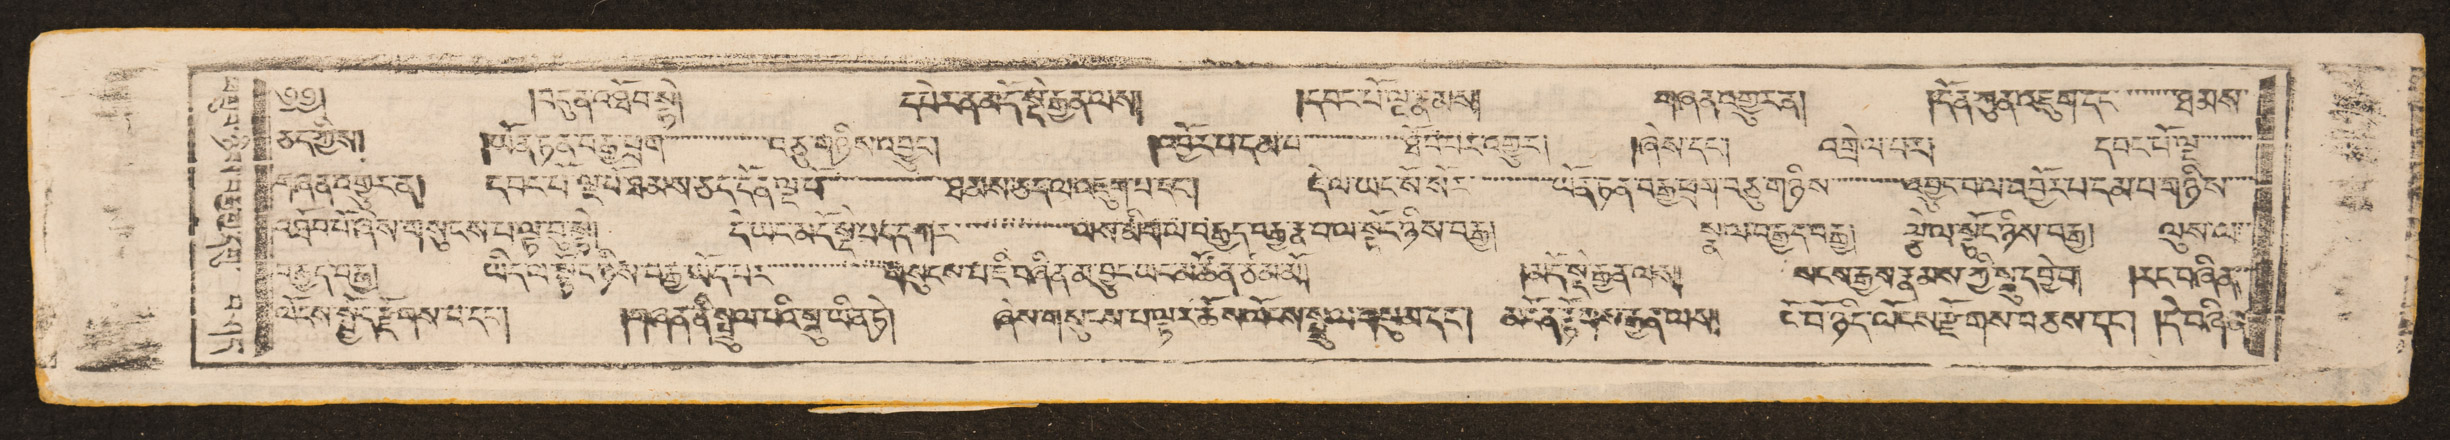༄༅། །བདུན་འཐོབ་སྟེ། དཔེར་ན་མདོ་སྡེ་རྒྱན་ལས། དབང་པོ་ལྔ་རྣམས་གཞན་འགྱུར་ན། །དོན་ཀུན་འཇུག་དང་ཐམས་
ཅད་ཀྱིས། །ཡོན་ཏན་བརྒྱ་ཕྲག་བཅུ་གཉིས་འབྱུང་། །འབྱོར་པ་དམ་པ་ཐོབ་པར་འགྱུར། ཞེས་དང་། འགྲེལ་པར། དབང་པོ་ལྔ་
གཞན་འགྱུར་ན། དབང་པོ་ལྔ་པོ་ཐམས་ཅད་དོན་ལྔ་པོ་ཐམས་ཅད་ལ་འཇུག་པ་དང་། དེ་ལ་ཡང་སོ་སོར་ཡོན་ཏན་བརྒྱ་ཕྲག་བཅུ་གཉིས་འབྱུང་བ་ལ་འབྱོར་པ་དམ་པ་གཉིས་
འཐོབ་པོ་ཞེས་གསུངས་པ་ལྟ་བུ་སྟེ། དེ་ཡང་མདོ་སྡེ་པད་དཀར་ལས་མིག་ལ་བརྒྱད་བརྒྱ་རྣ་བ་ལ་སྟོང་ཉིས་བརྒྱ། སྣ་ལ་བརྒྱད་བརྒྱ། ལྕེ་ལ་སྟོང་ཉིས་བརྒྱ། ལུས་ལ་
བརྒྱད་བརྒྱ། ཡིད་ལ་སྟོང་ཉིས་བརྒྱ་ཡོད་པར་གསུངས་པ་ཇི་བཞིན་མ་བྱུང་ཡང་མཚོན་ཙམ་མོ། མདོ་སྡེ་རྒྱན་ལས། སངས་རྒྱས་རྣམས་ཀྱི་སྐུ་དབྱེ་བ། །རང་བཞིན་
ལོངས་སྤྱོད་རྫོགས་པ་དང་། །གཞན་ནི་སྤྲུལ་པའི་སྐུ་ཡིན་ཏེ། ཞེས་གསུངས་པ་ལྟར་ཆོས་ལོངས་སྤྲུལ་གསུམ་དང་། མངོན་རྟོགས་རྒྱན་ལས། ངོ་བོ་ཉིད་ལོངས་རྫོགས་བཅས་དང་། །དེ་བཞིན་